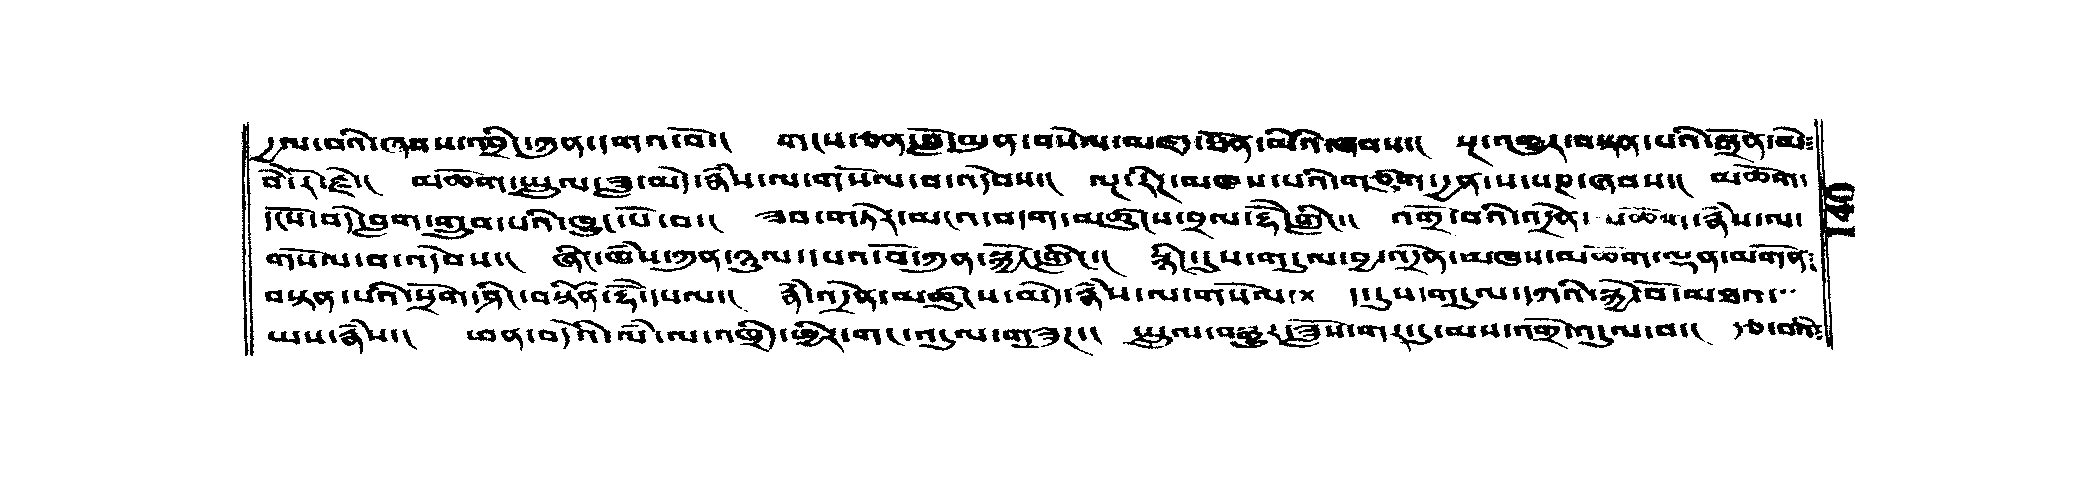རྒྱལ་བའི་ཞབས་འབྲིང་ཀུན་དགའ་བོ། །གངས་ཅན་བློ་མུན་སེལ་མཛད་ཐོན་མའི་ཞབས། །སྔ་འགྱུར་བསྟན་པའི་སྒྲོན་མེ་
བཻ་རོ་རྗེ། །མཆོག་སྤྲུལ་ཟླ་མེད་རྣམས་ལ་གསོལ་བ་འདེབས། །ལྔ་རིག་མཁས་པའི་གཙུག་རྒྱན་ས་པཎ་ཞབས། །མཆོག་
དངོས་བདེ་བླག་གྲུབ་པའི་ཁྱུང་པོ་བ། །ཟབ་གཏེར་མངའ་བདག་མཚུངས་བྲལ་རྡོ་རྗེ་གླིང་། །འགྲོ་བའི་འདྲེན་མཆོག་རྣམས་ལ་
གསོལ་བ་འདེབས། །ཞིང་ཁམས་ཀུན་ཉུལ་དཔའ་བོ་ཀུན་སྐྱོང་གླིང་། །སྙིགས་དུས་གདུལ་བྱ་འདྲེན་མཁས་མཆོག་ལྡན་མགོན། །
བསྟན་པའི་སྲོག་ཤིང་བསྟན་འཛིན་རྡོ་རྗེ་དཔལ། །རྣམ་འདྲེན་མཚུངས་མེད་རྣམས་ལ་གསོལ༴།ད་དུས་གདུལ་དཀའི་སྐྱེ་བ་མཐའ་
ཡས་རྣམས། །ཕན་བདེའི་ལམ་ལ་འཁྲིད་ཕྱིར་གང་འདུལ་གཟུགས། །སྤྲུལ་བསྒྱུར་ཟློས་གར་དུ་མས་འགྲོ་འདུལ་བ། །རྩ་བའི་